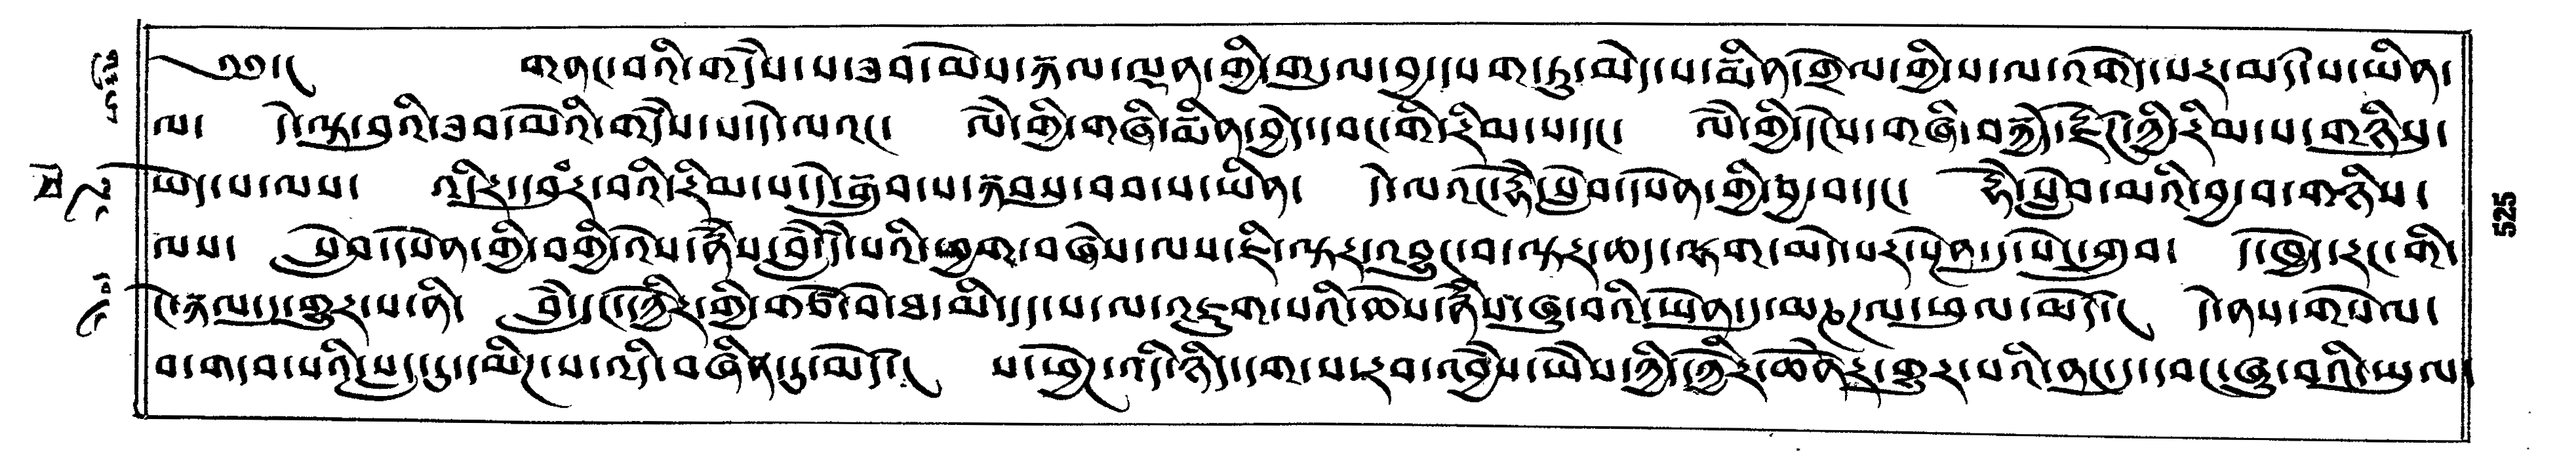གནང་བའི་གདམས་པ་ཟབ་མོས་སྐལ་ལྡན་གྱི་གདུལ་བྱ་དཔག་ཏུ་མེད་པ་སྨིན་གྲོལ་གྱི་ས་ལ་འགོད་པར་མཛད་པ་ཡིན་
ལ། དེ་ལྟ་བུའི་ཟབ་མོའི་གདམས་པ་དེ་ལའང་། ལམ་གྱི་གཞི་སྨིན་བྱེད་དབང་གི་རིམ་པ་དང་། ལམ་གྱི་དངོས་གཞི་བསྐྱེད་རྫོགས་ཀྱི་རིམ་པ་གཉིས་སུ་
ཡོད་པ་ལས། འདིར་དབང་བསྐུར་བའི་རིམ་པ་སྟེ་སྒྲུབ་པ་སྐབས་སུ་བབ་པ་ཡིན། དེ་ལའང་རྡོ་རྗེ་སློབ་དཔོན་གྱི་བྱ་བ་དང་། རྡོ་རྗེ་སློབ་མའི་བྱ་བ་གཉིས་
ལས། སློབ་དཔོན་གྱི་བགྱི་འོས་རྣམས་བླ་མ་དམ་པའི་ཕྱག་བཞེས་ལས་ཇི་ལྟར་འབྱུང་བ་ལྟར་ཆད་ལྷག་མེད་པར་སྔོན་དུ་སོང་གྲུབ། ད་ཁྱོད་རང་གི་
ངོ་སྐལ་དུ་གྱུར་པ་ནི། བླ་མ་དང་དཀྱིལ་འཁོར་གྱི་གཙོ་བོ་ཐ་མི་དད་པ་ལ་འཇུག་པའི་ཆོས་རྣམས་ཞུ་བའི་ཡོན་དུ་མཎྜལ་ཕུལ་མཛོད། དེ་ནས་གསོལ་
བ་གདབ་པའི་སླད་དུ་དམིགས་པ་འདི་བཞིན་དུ་མཛོད། ས་ཕྱོགས་འདི་ཉིད་དག་པ་རབ་འབྱམས་ཡེ་ཤེས་ཀྱི་དཀྱིལ་འཁོར་ཆེན་པོར་གྱུར་པའི་ནང་དུ་དབང་ཞུ་བའི་ཡུལ་